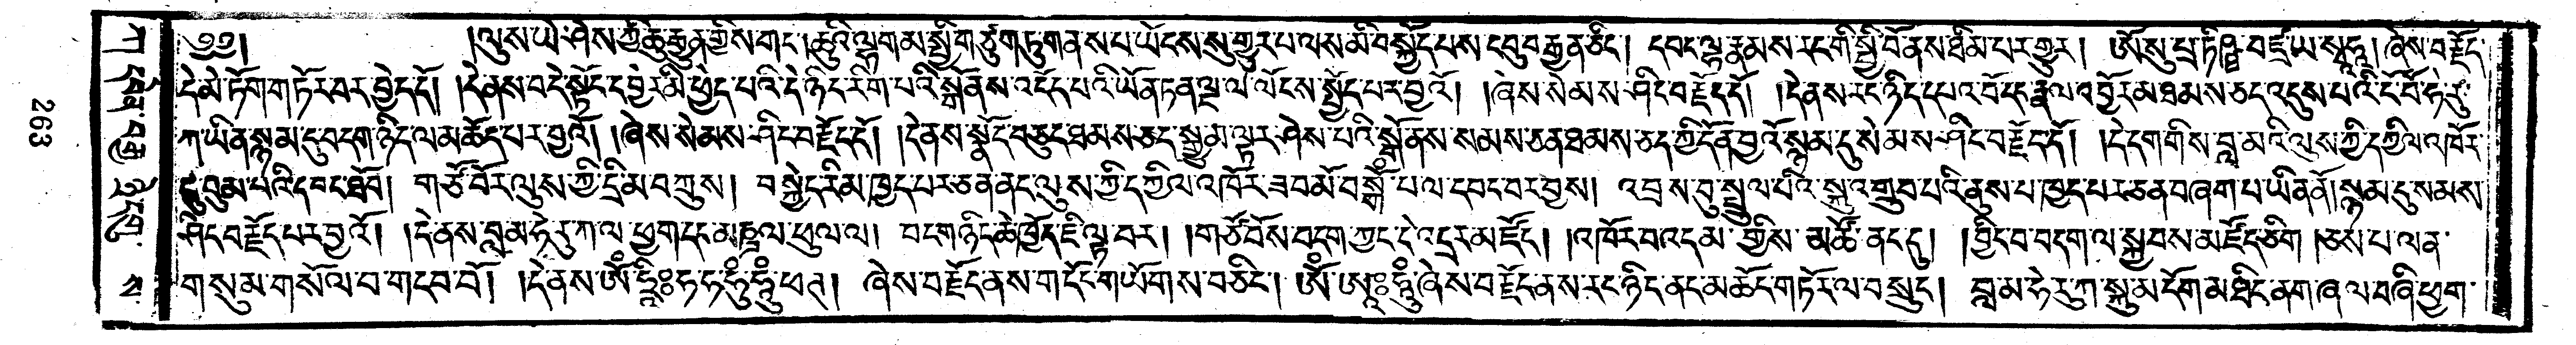༄༅། །ལུས་ཡེ་ཤེས་ཀྱི་ཆུ་རྒྱུན་གྱིས་གང་།ཆུའི་ལྷག་མ་སྤྱི་གཙུག་ཏུ་གནས་པ་ཡོངས་སུ་གྱུར་པ་ལས་མི་བསྐྱོད་པས་དབུ་བརྒྱན་ཅིང་། དབང་ལྷ་རྣམས་རང་གི་སྤྱི་བོ་ནས་ཐིམ་པར་གྱུར། ཨོཾ་སུ་པྲ་ཏིཥཊཿཨ་བཛྲ་ཡ་སྭཱ་ཧཱ། ཞེས་བརྗོད་དེ་མེ་ཏོག་གཏོར་བར་བྱེད་དོ། །དེ་ནས་བདེ་སྟོང་དབྱེར་མེད་མི་ཕྱེད་པའི་དེ་ཉིད་རིག་པའི་སྒོ་ནས་འདོད་པའི་ཡོན་ཏན་ལྔ་ལ་ལོངས་སྤྱོད་པར་བྱའོ། །ཞེས་སེམས་ཤིང་བརྗོད་དོ། །དེ་ནས་རང་ཉིད་དཔའ་བོ་དང་རྣལ་འབྱོར་མ་ཐམས་ཅད་འདུས་པའི་ངོ་བོ་ཧེ་རུ་
ཀ་ཡིན་སྙམ་དུ་བདག་ཉིད་ལ་མཆོད་པར་བྱའོ། །ཞེས་སེམས་ཤིང་བརྗོད་དོ། །དེ་ནས་སྣོད་བཅུད་ཐམས་ཅད་སྒྱུ་མ་ལྟར་ཤེས་པའི་སྒོ་ནས་སམས་ཅན་ཐམས་ཅད་ཀྱི་དོན་བྱའོ་སྙམ་དུ་སེམས་ཤིང་བརྗོད་དོ། །དེ་དག་གིས་བླ་མའི་ལུས་ཀྱི་དཀྱིལ་འཁོར་
དུ་བུམ་པའི་དབང་ཐོབ། གཙོ་བོར་ལུས་ཀྱི་དྲི་མ་བཀྲུས། བསྐྱེད་རིམ་ཁྱད་པར་ཅན་ནང་ལུས་ཀྱི་དཀྱིལ་འཁོར་ཟབ་མོ་བསྒོཾ་པ་ལ་དབང་བར་བྱས། འབྲས་བུ་སྤྲུལ་པའི་སྐུ་འགྲུབ་པའི་ནུས་པ་ཁྱད་པར་ཅན་བཞག་པ་ཡིན་ནོ། སྙམ་དུ་སམས་
ཤིང་བརྗོད་པར་བྱའོ། །དེ་ནས་བླ་མ་ཧེ་རུ་ཀ་ལ་ཕྱག་དང་མཎྜལ་ཕུལ་ལ། བདག་ཉིད་ཆེ་ཁྱོད་ཇི་ལྟ་བར། །གཙོ་བོས་བདག་ཀྱང་དེ་འདྲར་མཛོད། །འཁོར་བ་འདམ་གྱིས་མཚོ་ནང་དུ། །བྱིང་བ་བདག་ལ་སྐྱབས་མཛོད་ཅིག །ཅས་པ་ལན་
གསུམ་གསོལ་བ་གདབ་བོ། །དེ་ནས་ཨོཾ་ཧྲཱིཿ ཧ་ཧ་ཧུཾ་ཧཱུཾ་ཕཊ། ཞེས་བརྗོད་ནས་གདོང་གཡོགས་བཅིང་། ཨོཾ་ཨཱཿ ཧཱུཾ་ཞེས་བརྗོད་ནས་རང་ཉིད་ནང་མཆོད་གཏོར་ལ་བསྲུང་། བླ་མ་ཧེ་རུ་ཀ་སྐུ་མདོག་མཐིང་ནག་ཞལ་བཞི་ཕྱག་